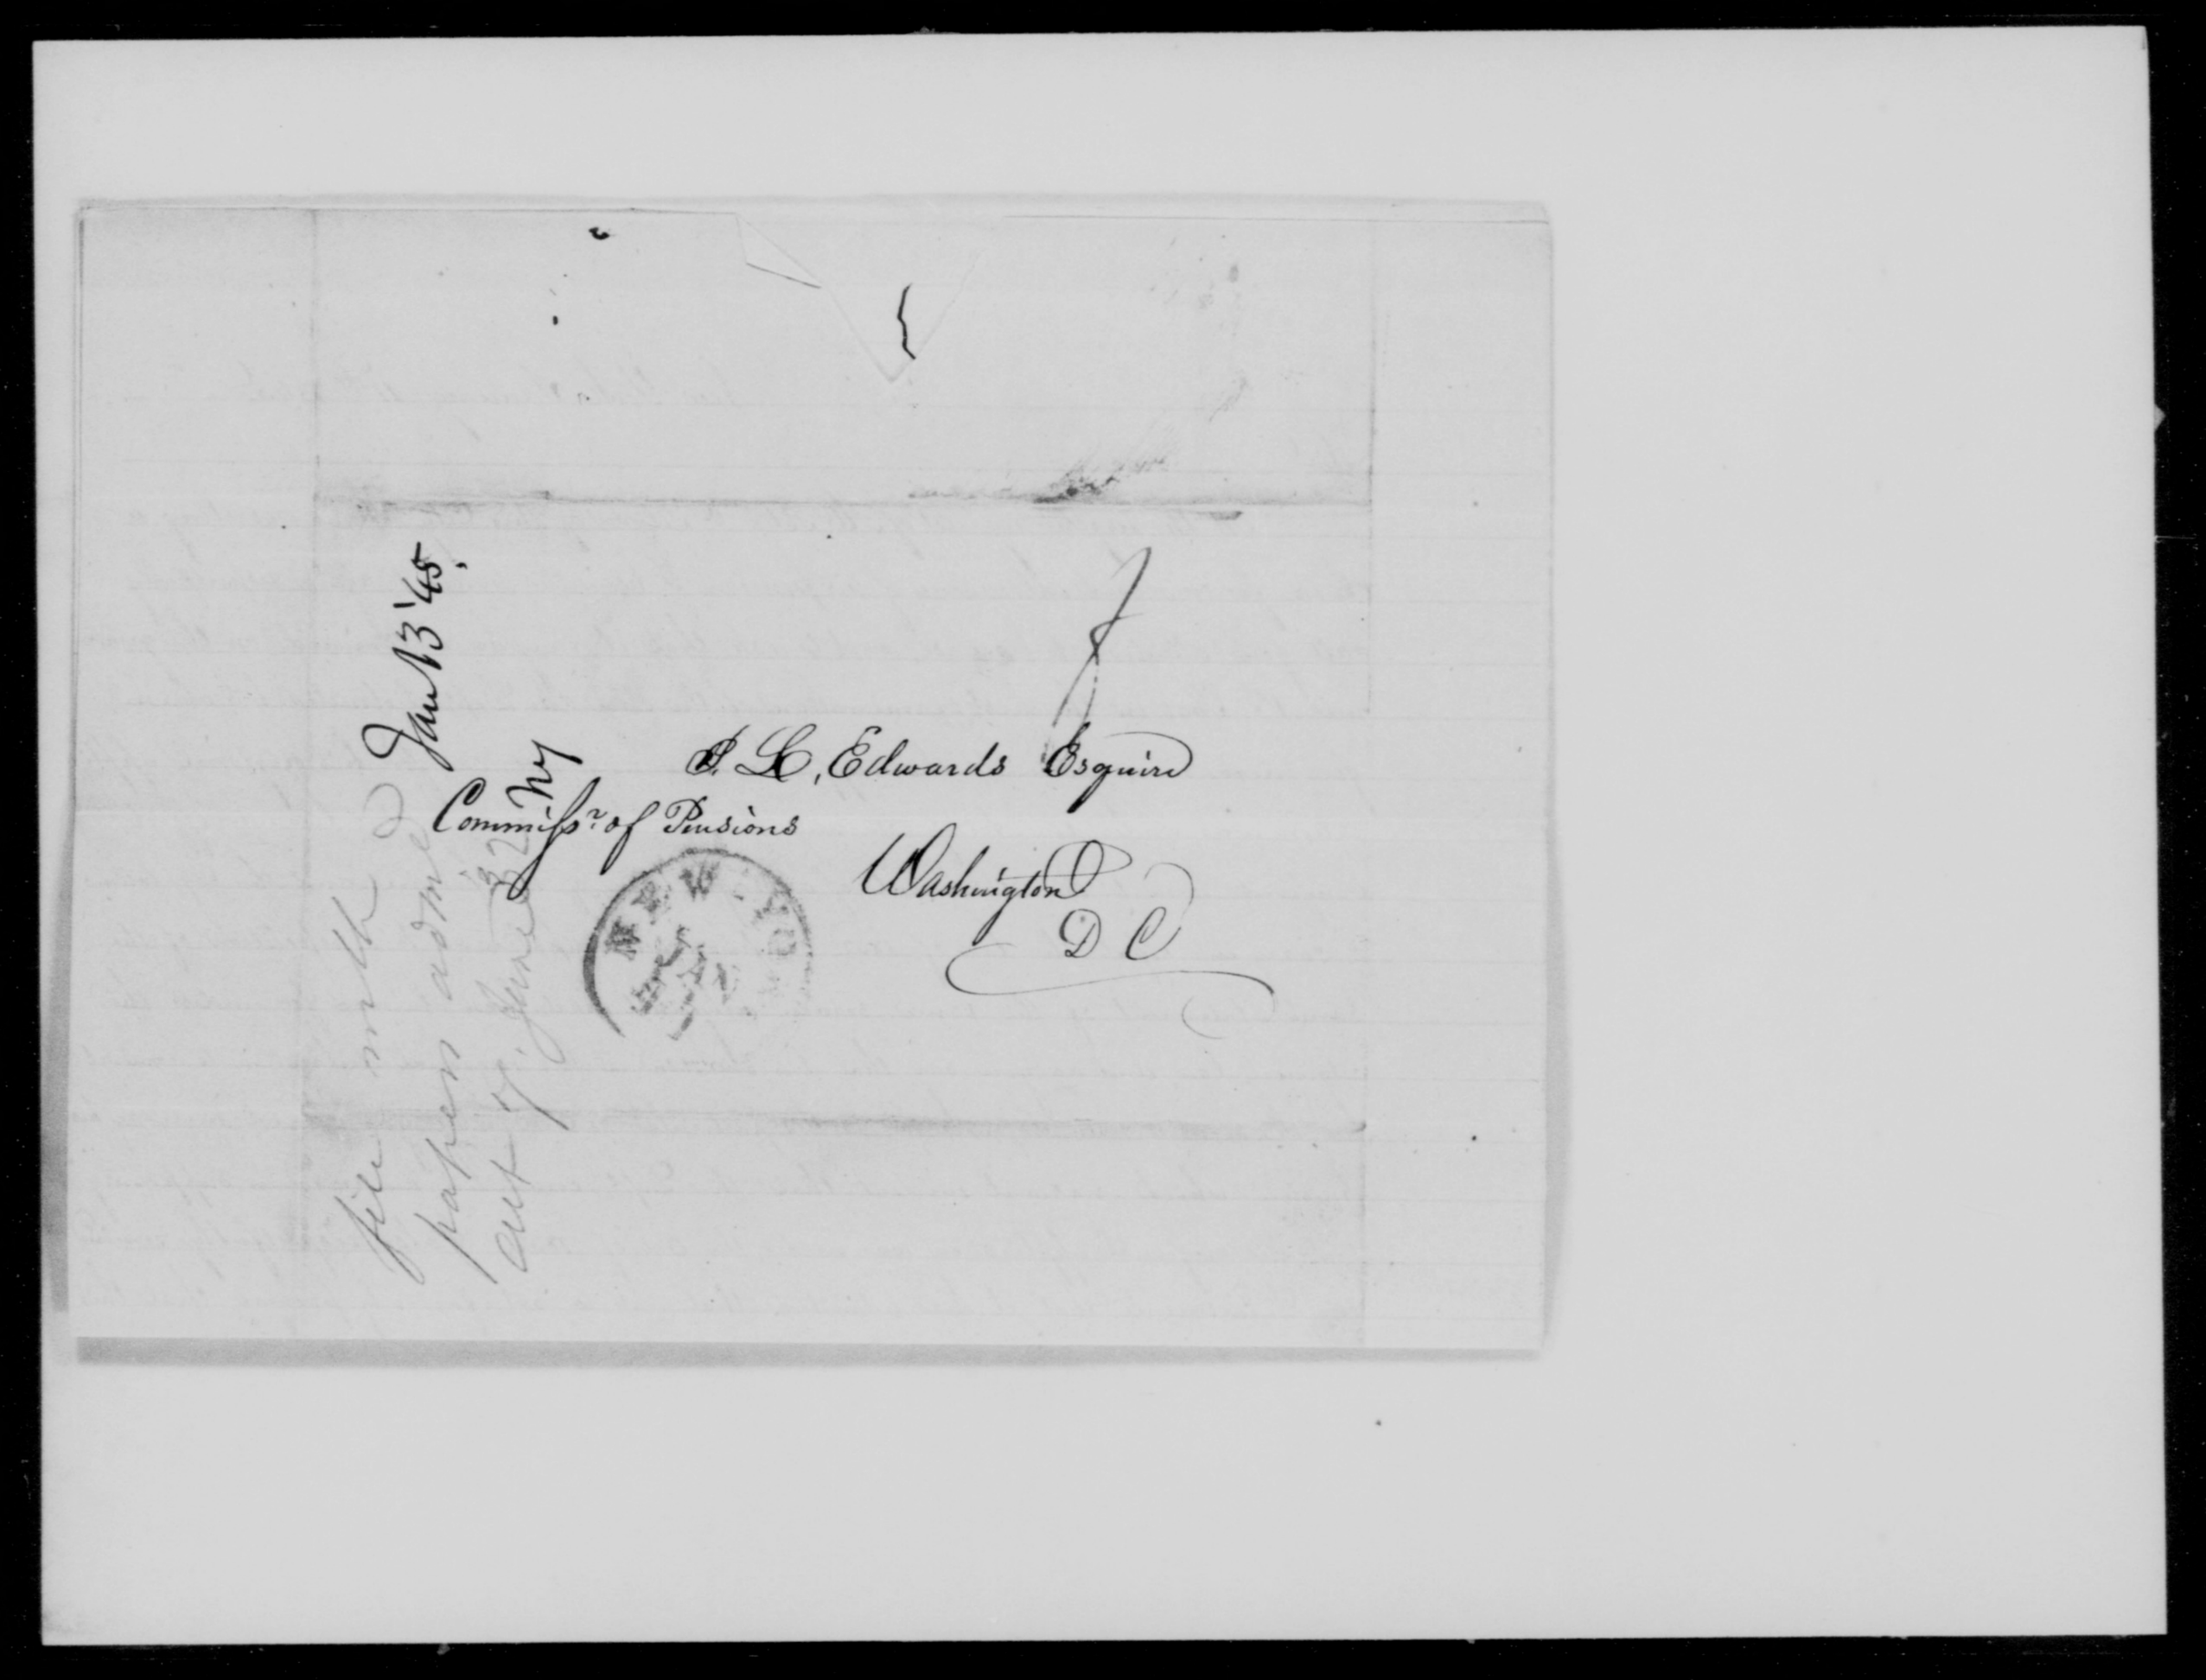J.L. Edwards Esquire
Commissr of Pensions
Washington D.C.
[postal mark] NEW YORK JAN

[on side]
file with papers  admd Act of June '32
Jan 13'45 NY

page: 61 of 101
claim: widow's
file: W. 25481, for Peter V Tilyou, New Jersey